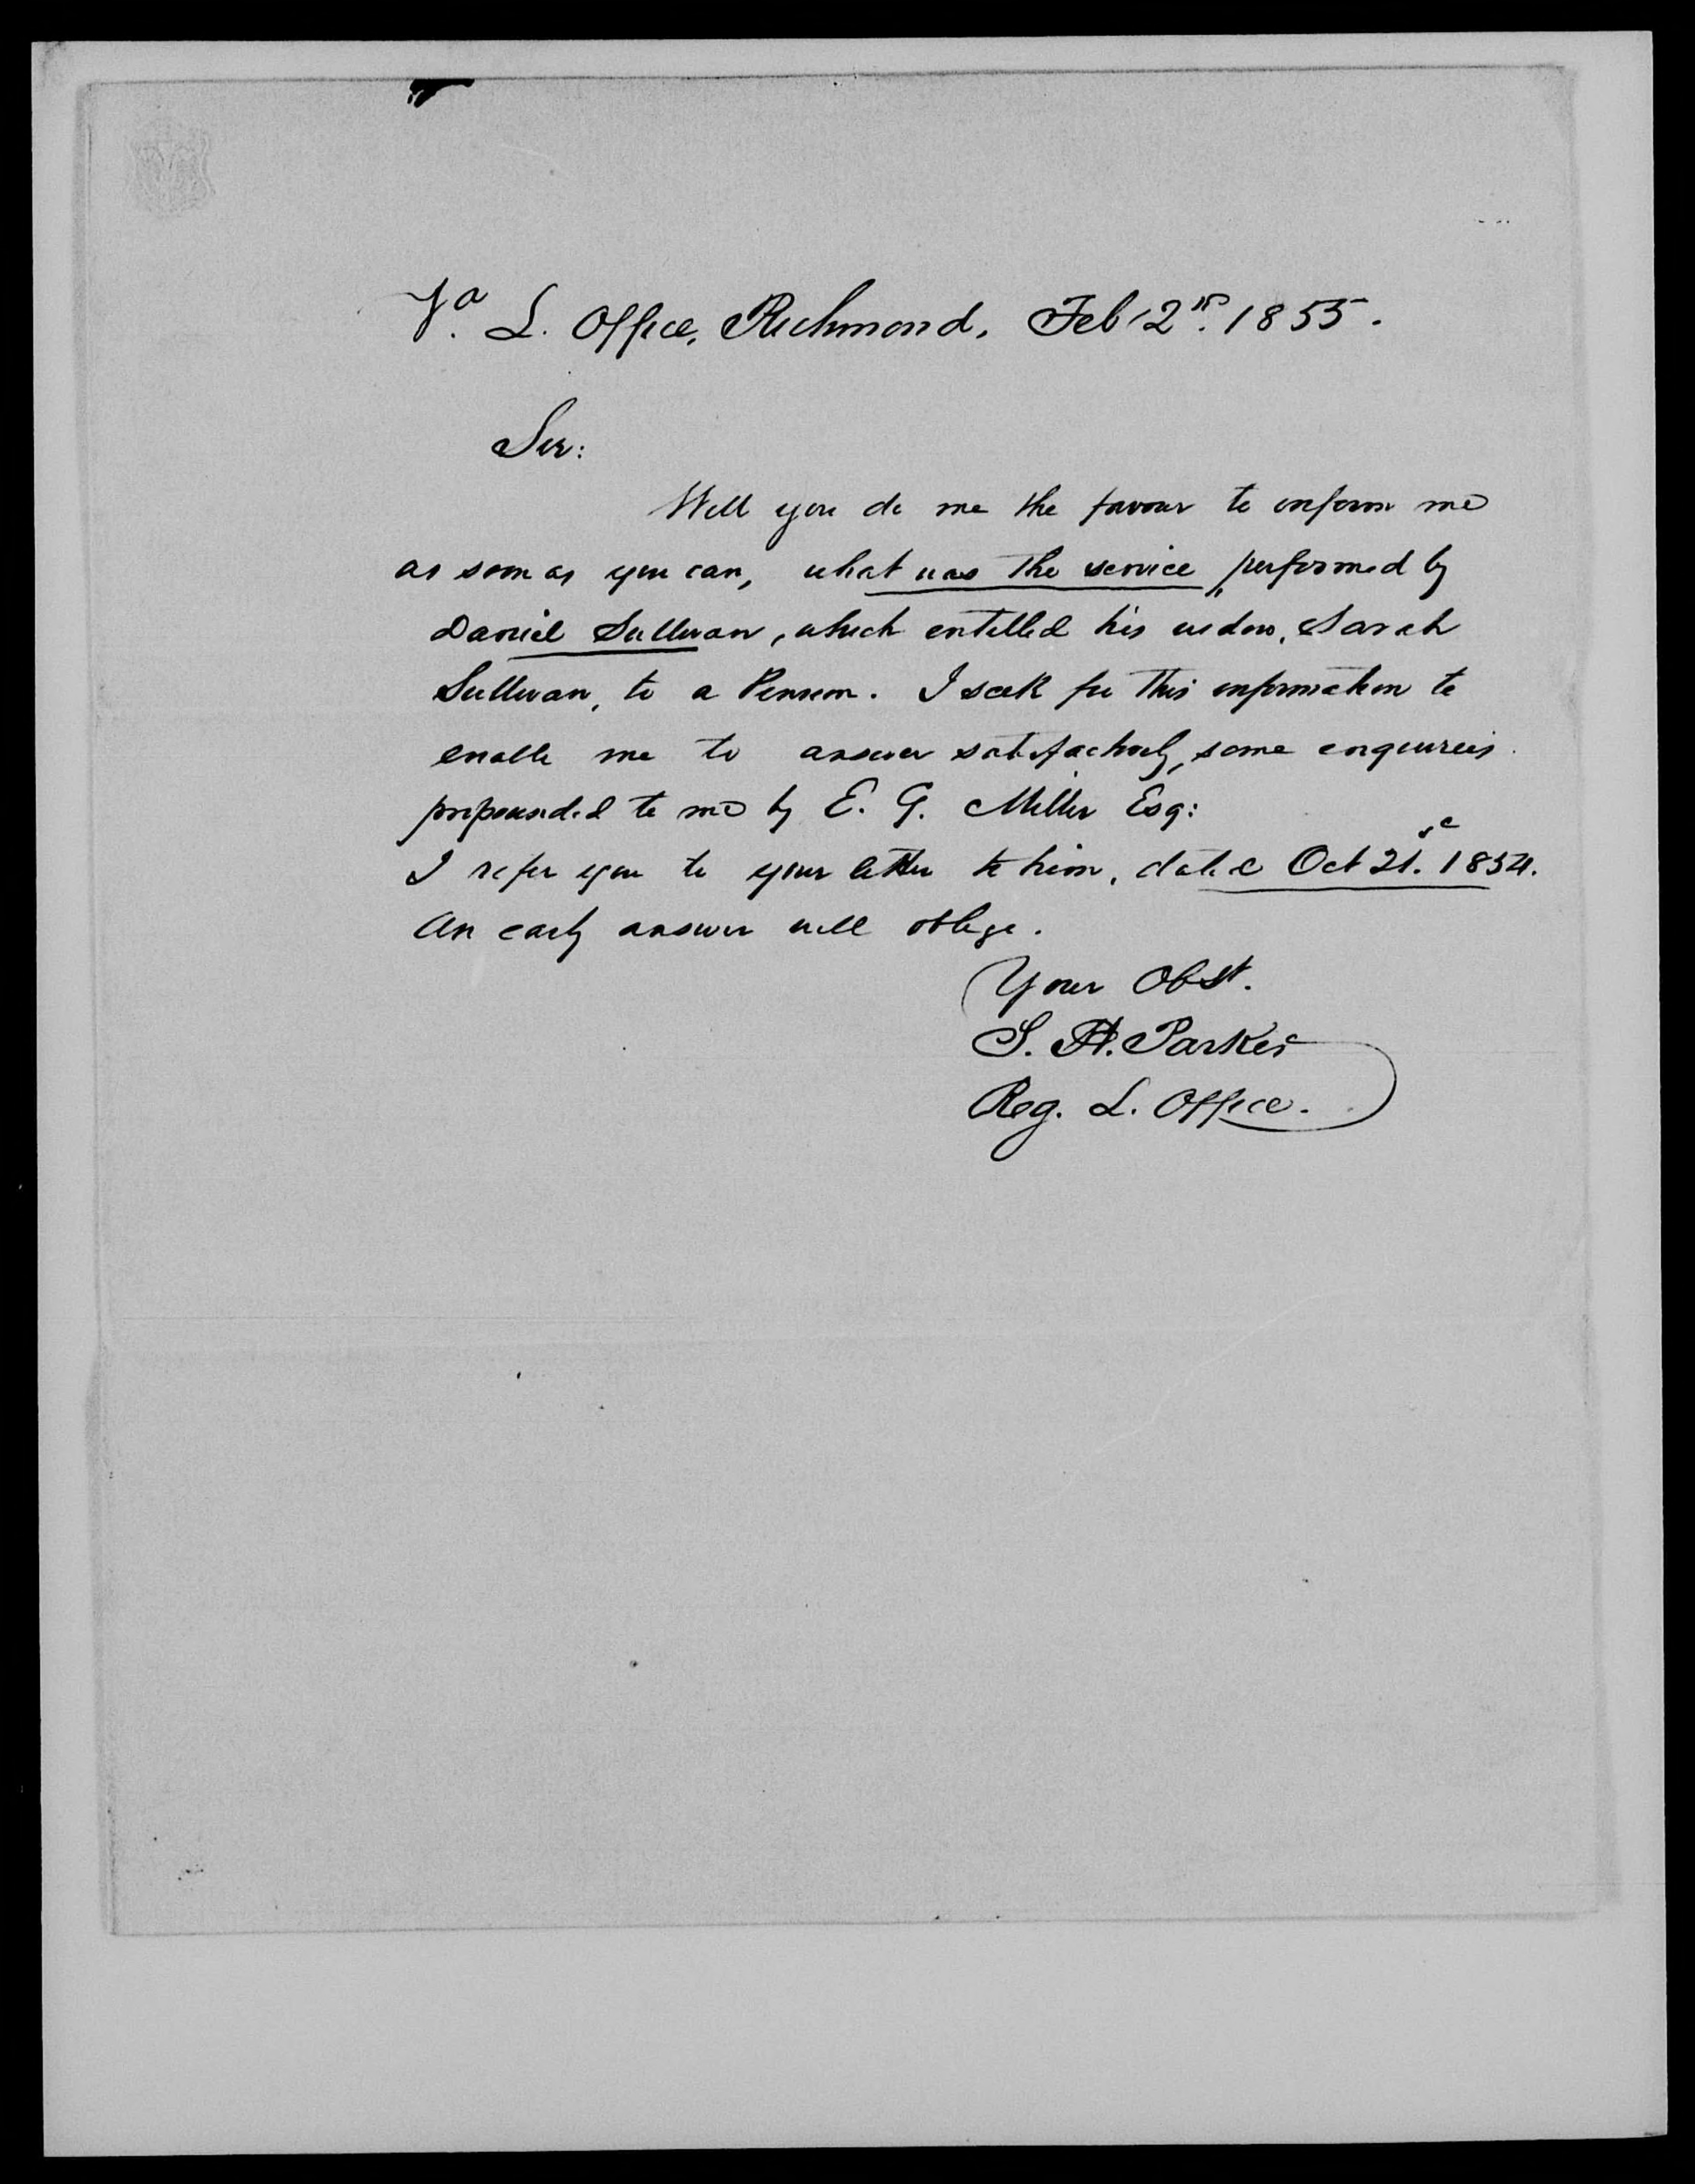La. L. Office, Richmond, Feb 12th, 1853.

Sir:

Will you do me the favour to inform me as soon as you can, what was the service performed by Daniel Sullivan, which entitled his widow, Sarah Sullivan, to a Pension. I seek for this information to enable me to answer satisfactorily, some enquiries propounded to me by E. G. Miller Esq:

I refer you to your letter to him, dated Oct 21st, 1854. An early answer will oblige.

Your obst.
]signed] S. H. Parker
Reg. L. Office.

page: 44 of 78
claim: widow's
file: W. 25,169, for Daniel Sullivan, Maryland